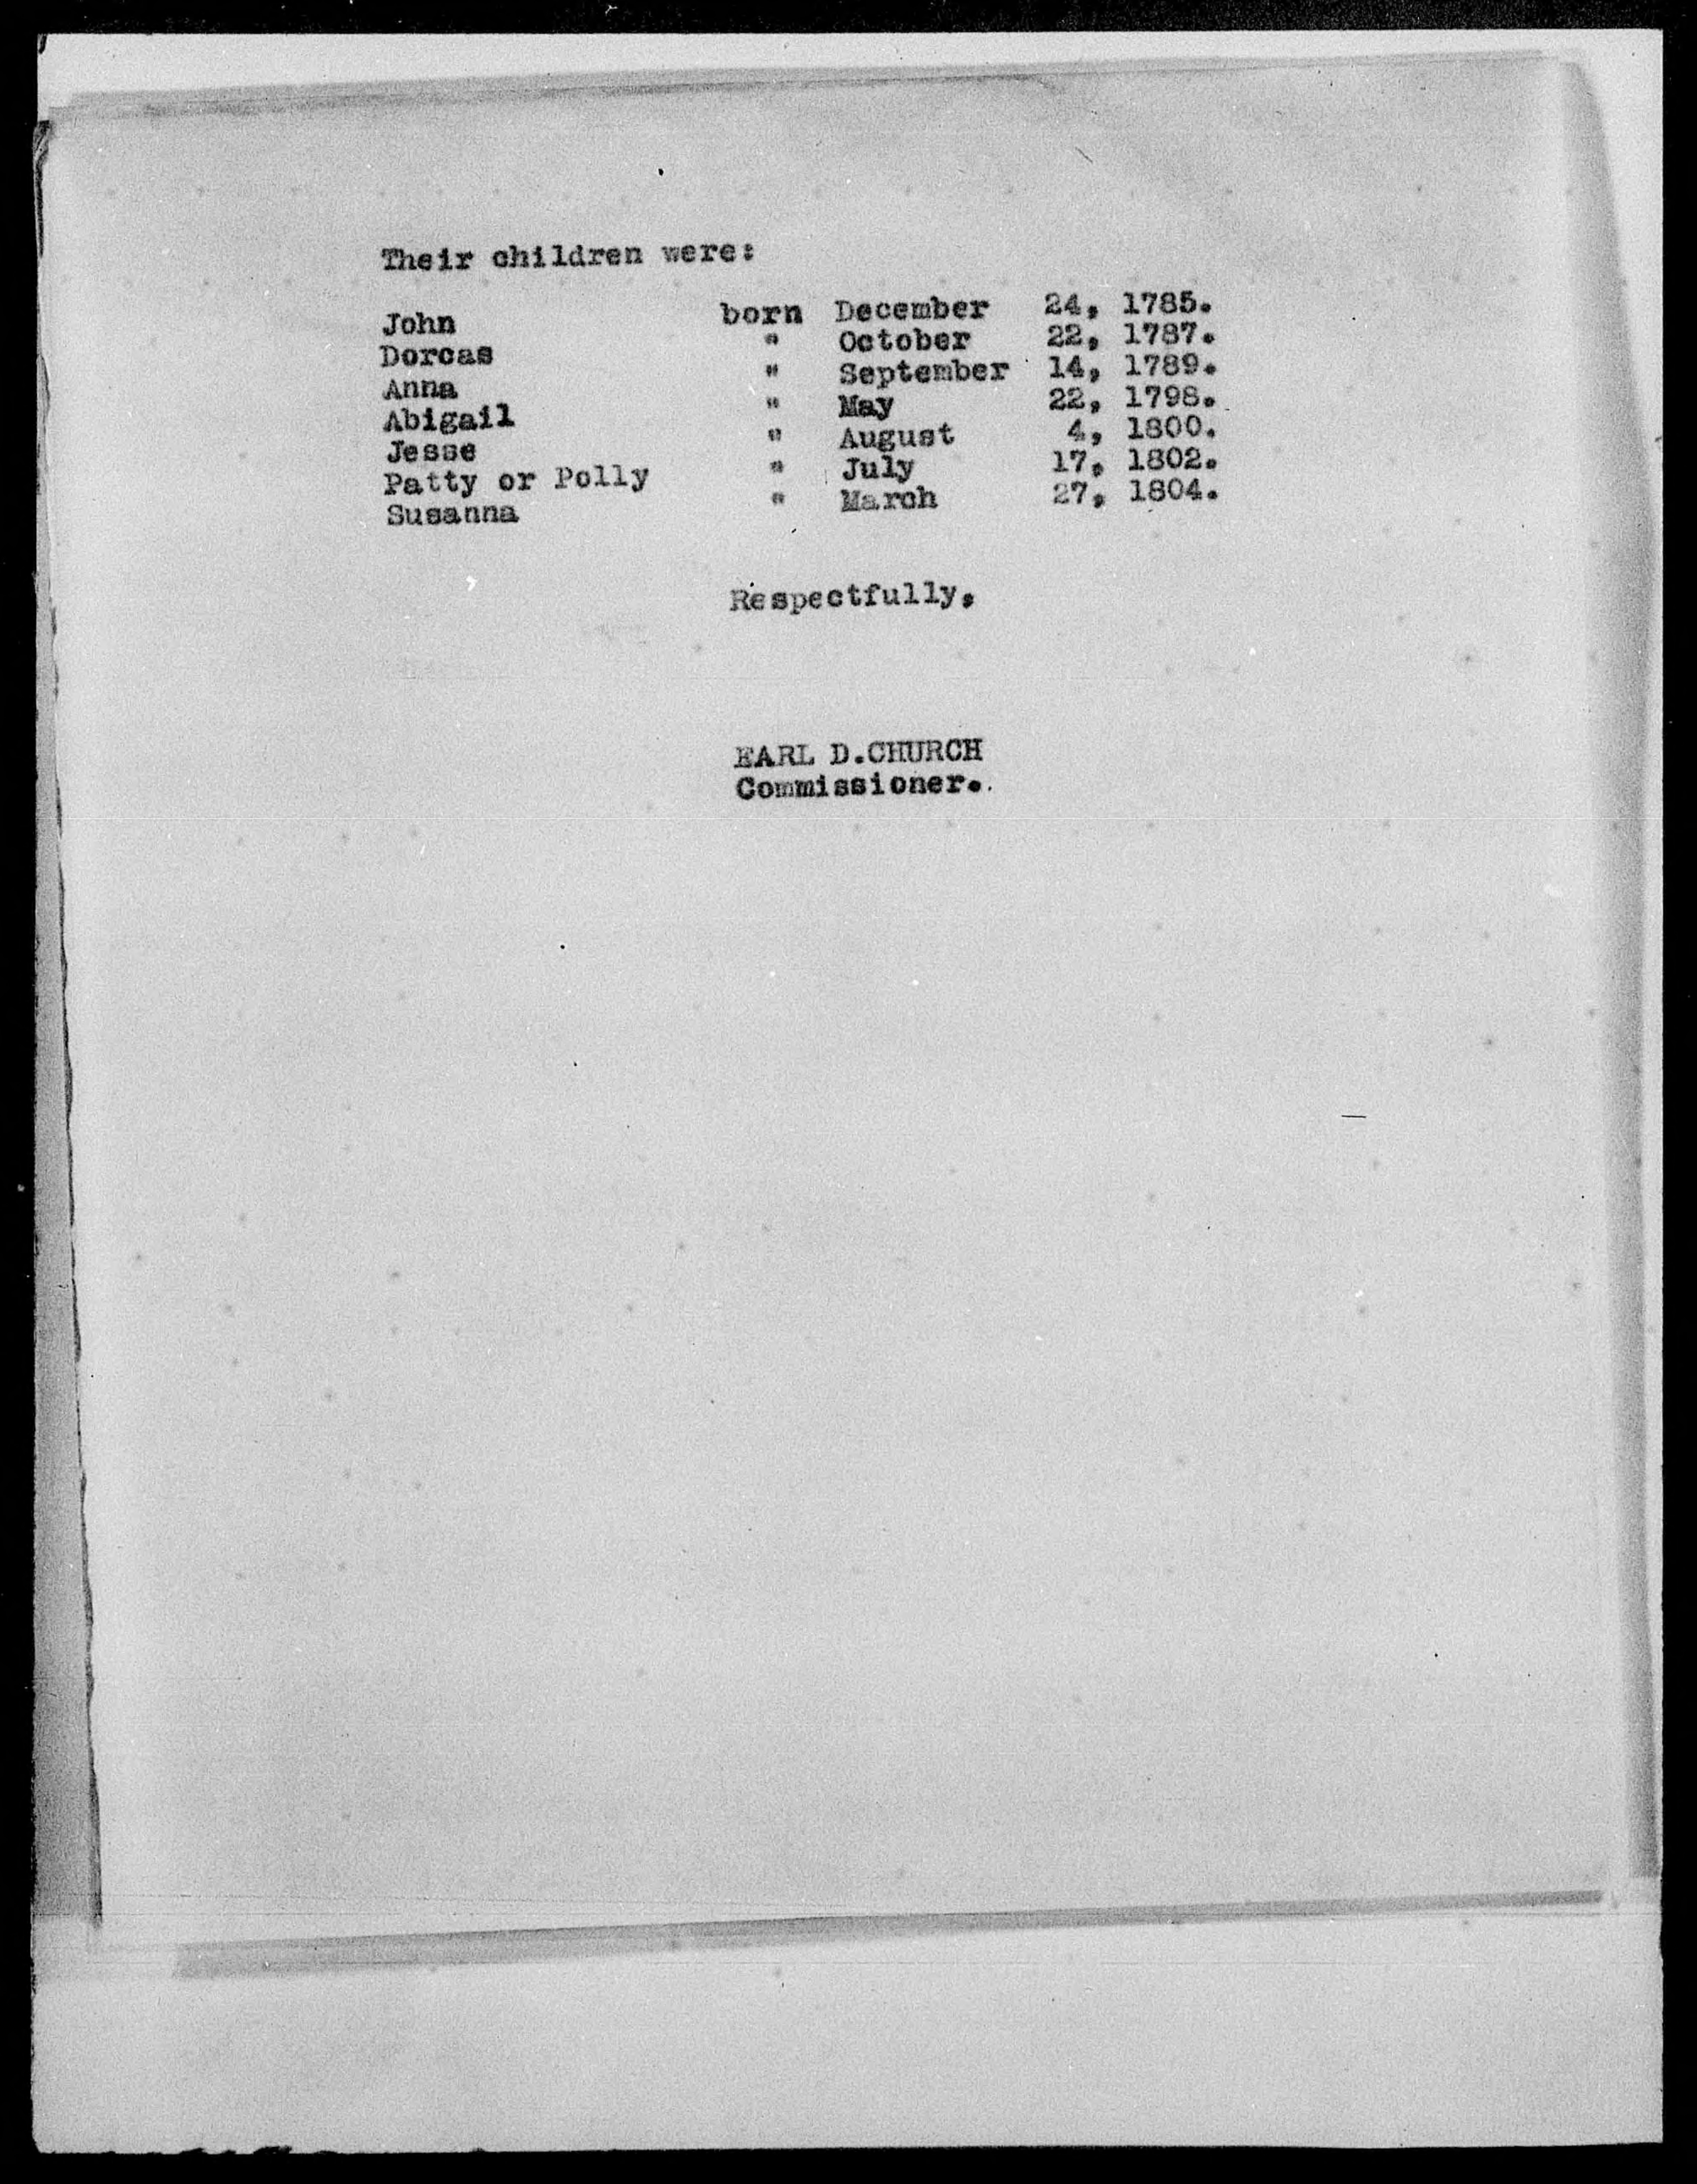Their children were:
John Hardy, born December 24,
1785 Dorcas " October 22, 1787 
Anne " September 14, 1789 
Abigail " May 22 1798
Jesse, " : August 4, 1800 
Patty or Polly " July 17, 
1802 Susanna " " March 27, 1804

Respectfully,

Earl D. Church
Commissioner.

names: Dorcas, Abigail, John, Anna, Earl D Church, Susanna, Patty, Jesse, Polly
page: 19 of 67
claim: widow's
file: W. 23183, Jesse Hardy, Mass.